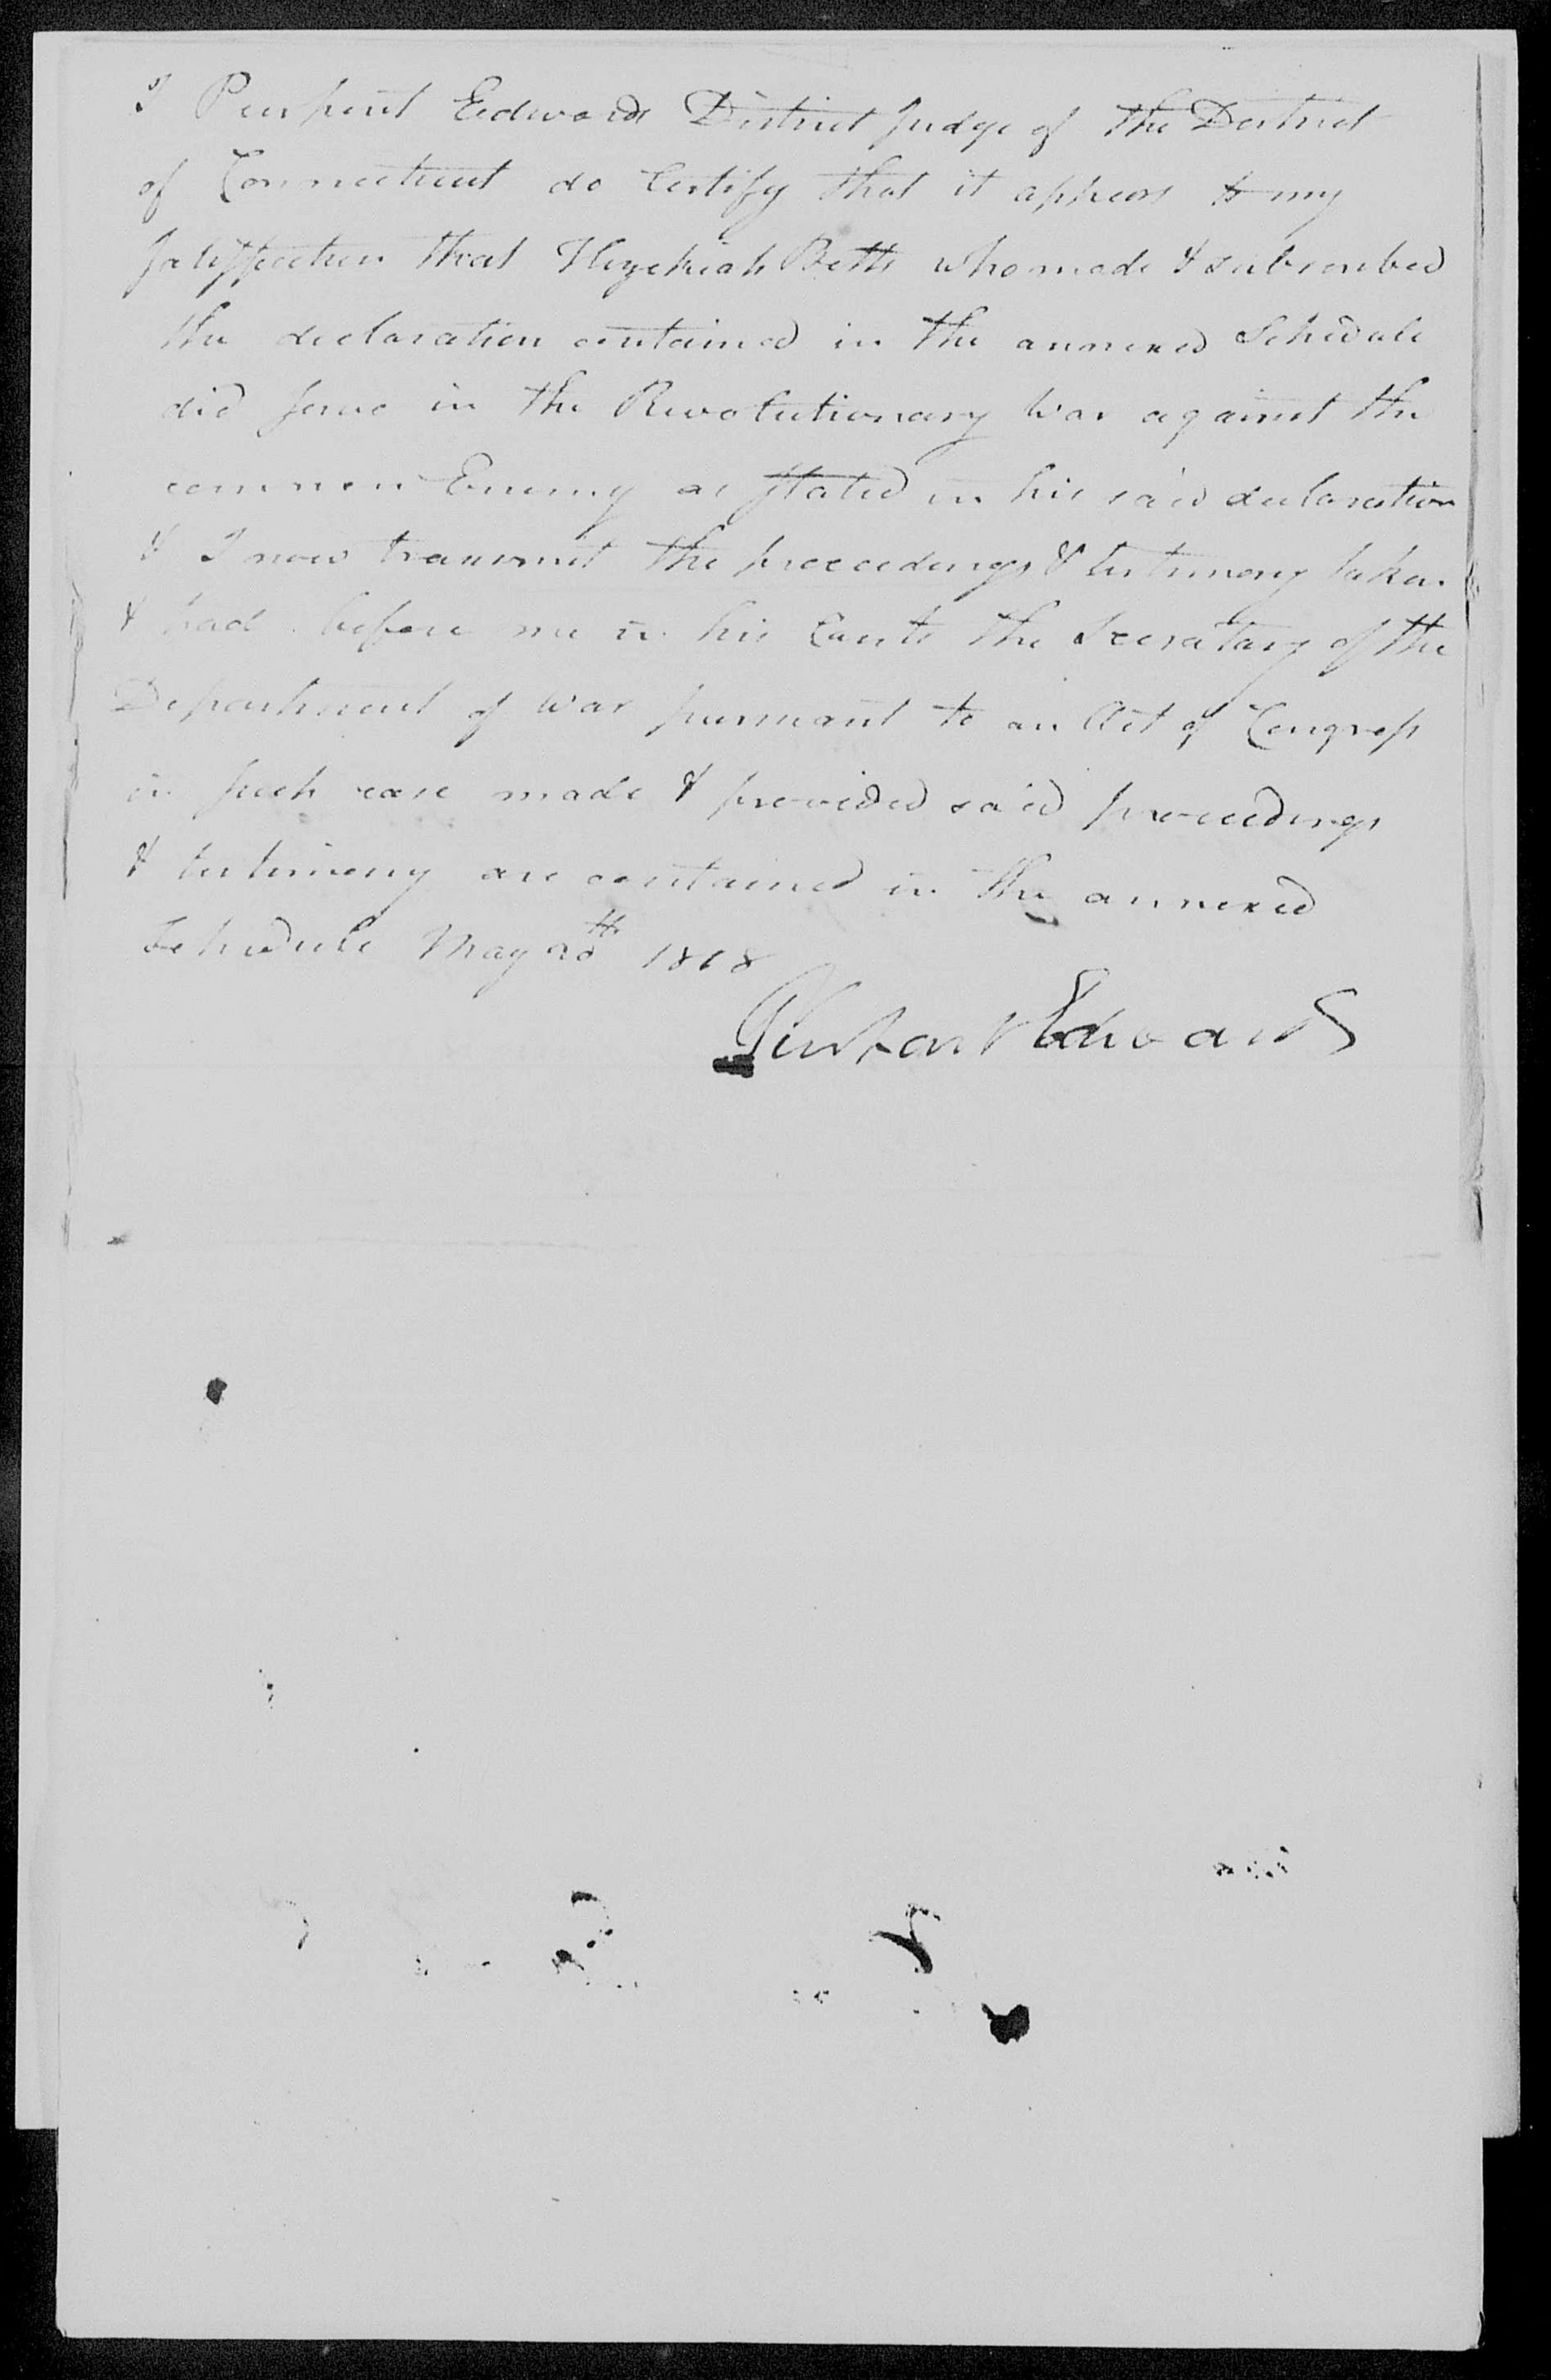I Pierpont Edwards District Judge of the District of Connecticut do certify that it appears to my satisfaction that Hezekiah Betts who made & subscribed the declaration contained in the annexed Schedule did serve in the Revolutionary War against the common Enemy as stated in his said declaration & I now transmit the proceedings & his testimony taken & had before me in his court the Secretary of the Department of War pursuant to an Act of Congress in such case made & provided said proceedings & testimony are contained in the annexed schedule May 20th 1818
Pierpont Edwards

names: Pierpont Edwards, Pierpont Edwards, Hezekiah Betts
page: 26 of 61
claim: widow's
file: W. 29,929, Hezekiah Betts, Conn.